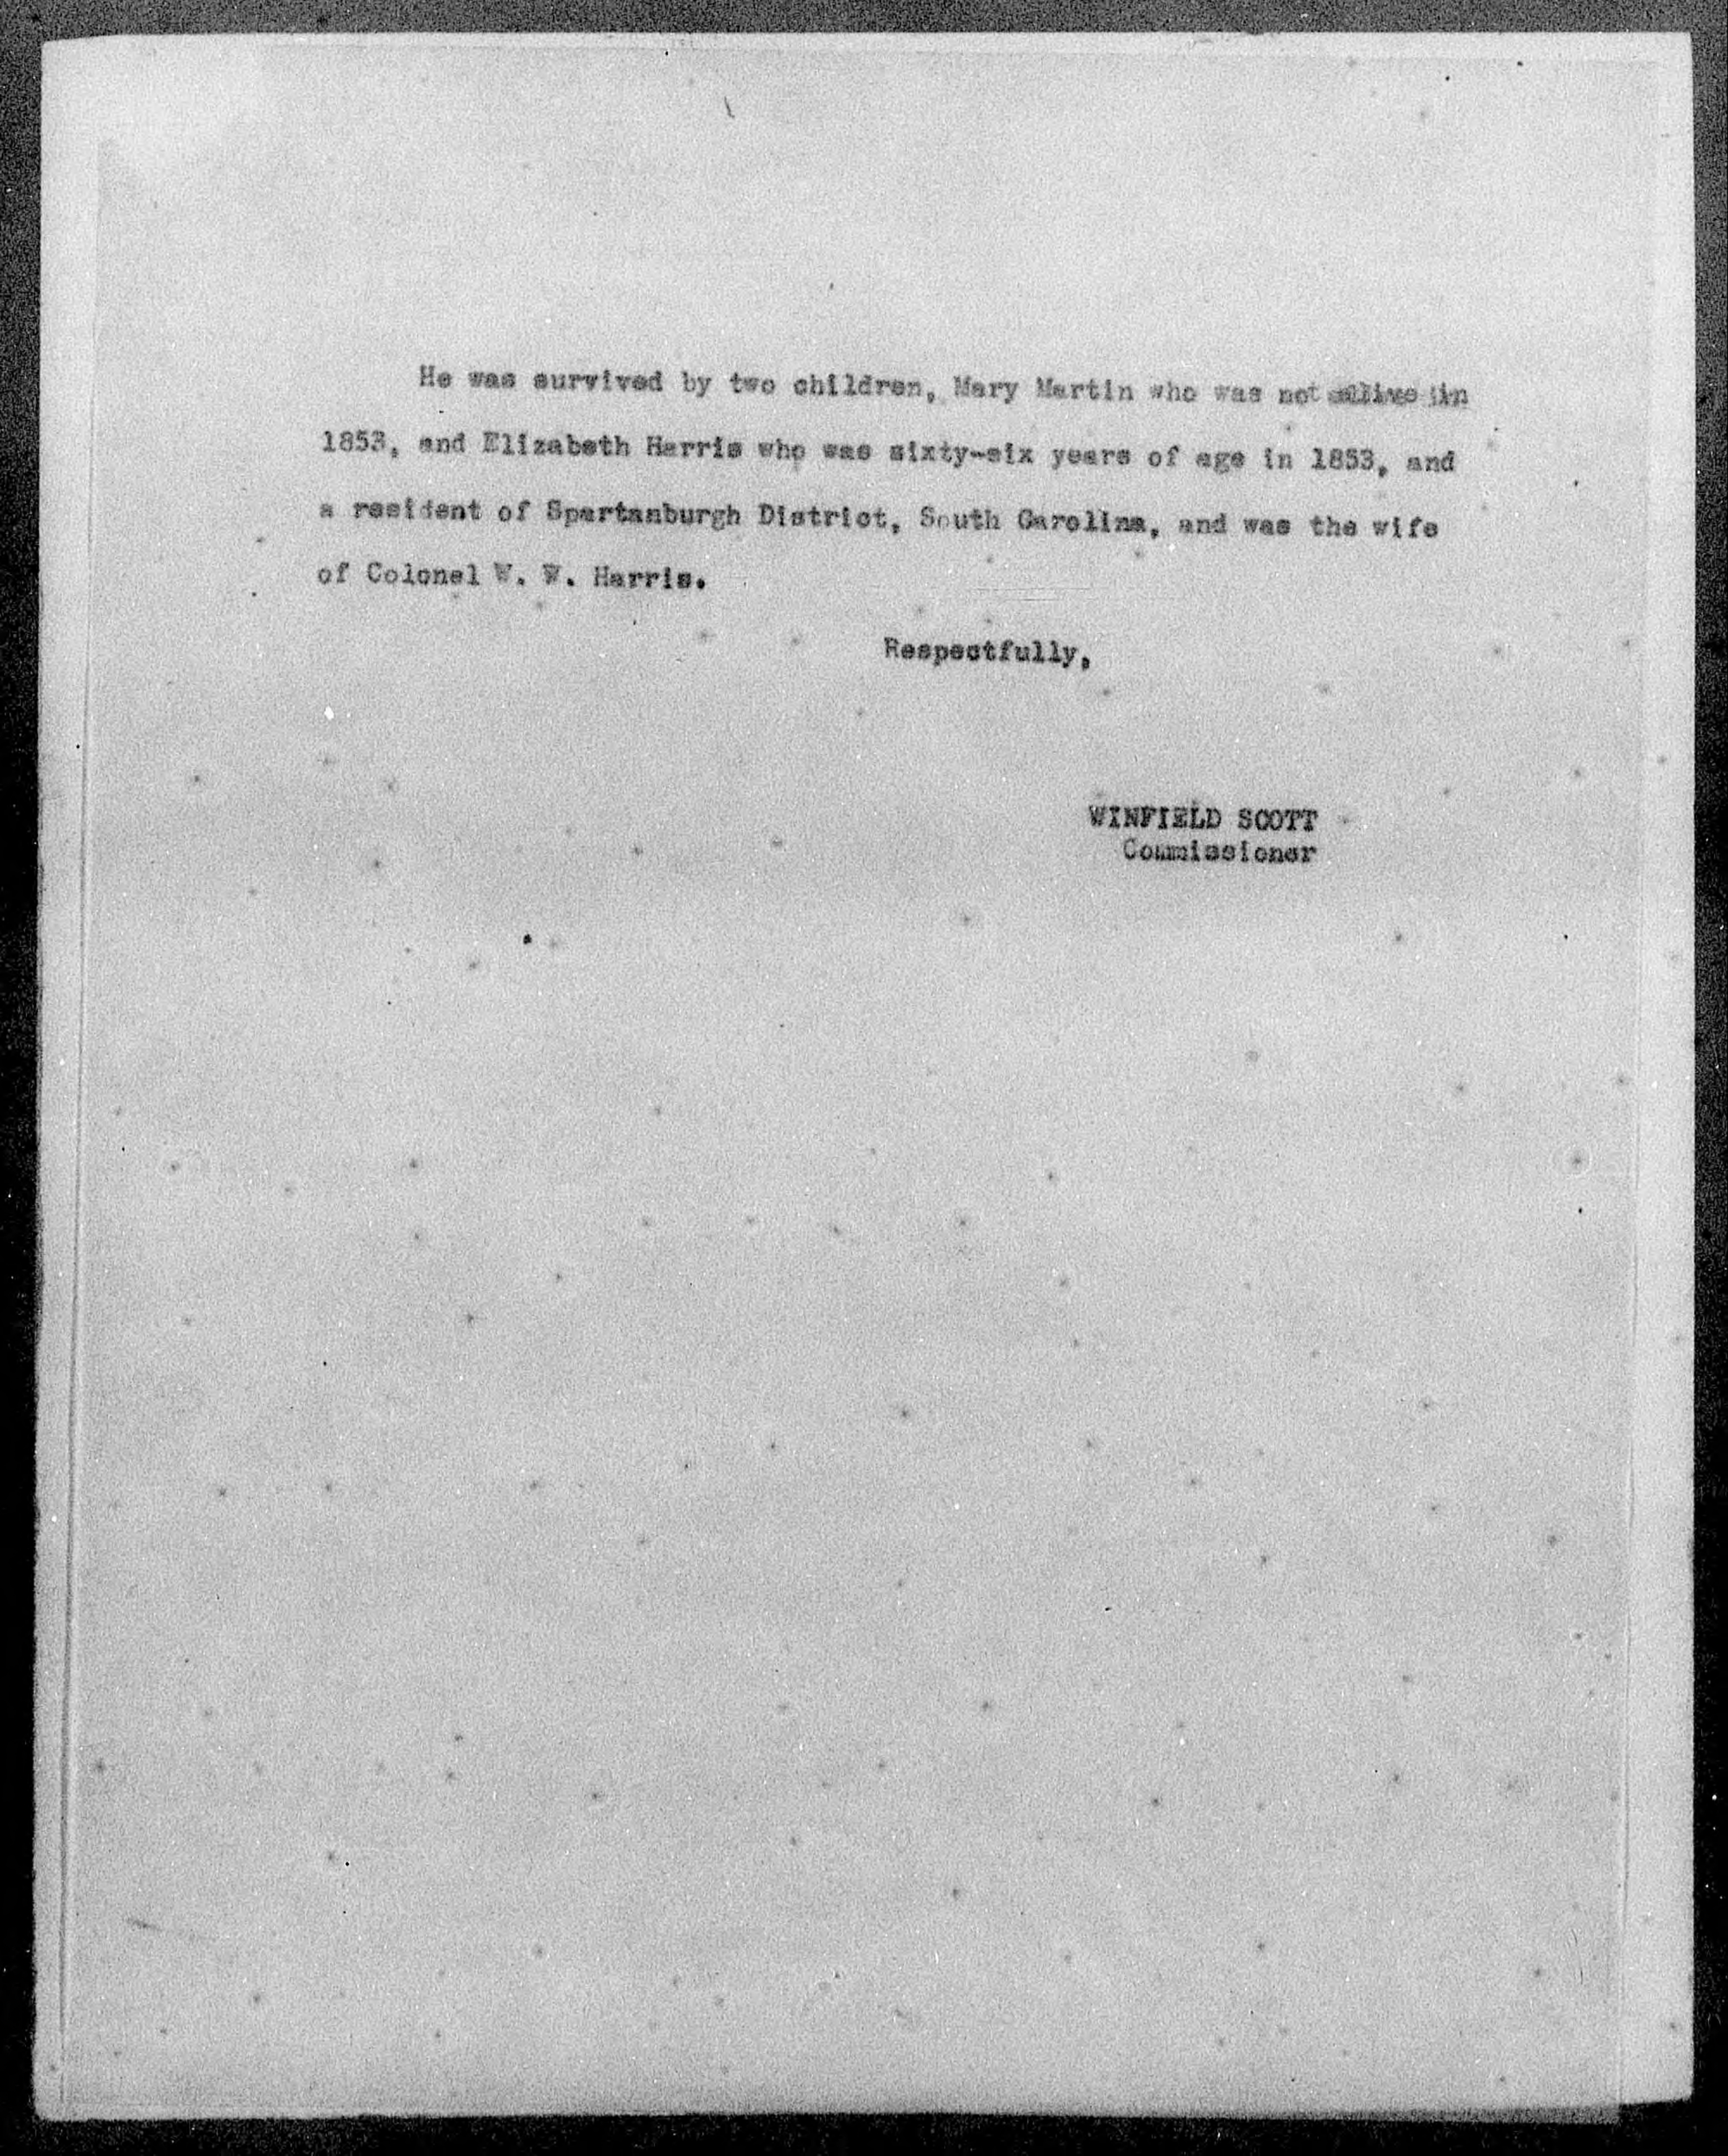Page 2

He was survived by two children, Mary Martin who was not living in 1853, and Elizabeth Harris who was sixty-six years of age in 1833, and a resident of Spartanburgh District, South Carolina, and was the wife of Colonel W. W. Harris.

Respectfully,
WINFIELD SCOTT
Commissioner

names: W W Harris, Winfield Scott, Mary Martin, Elizabeth Harris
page: 11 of 57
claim: survivor's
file: S. 18888, David Golightly, S.C.